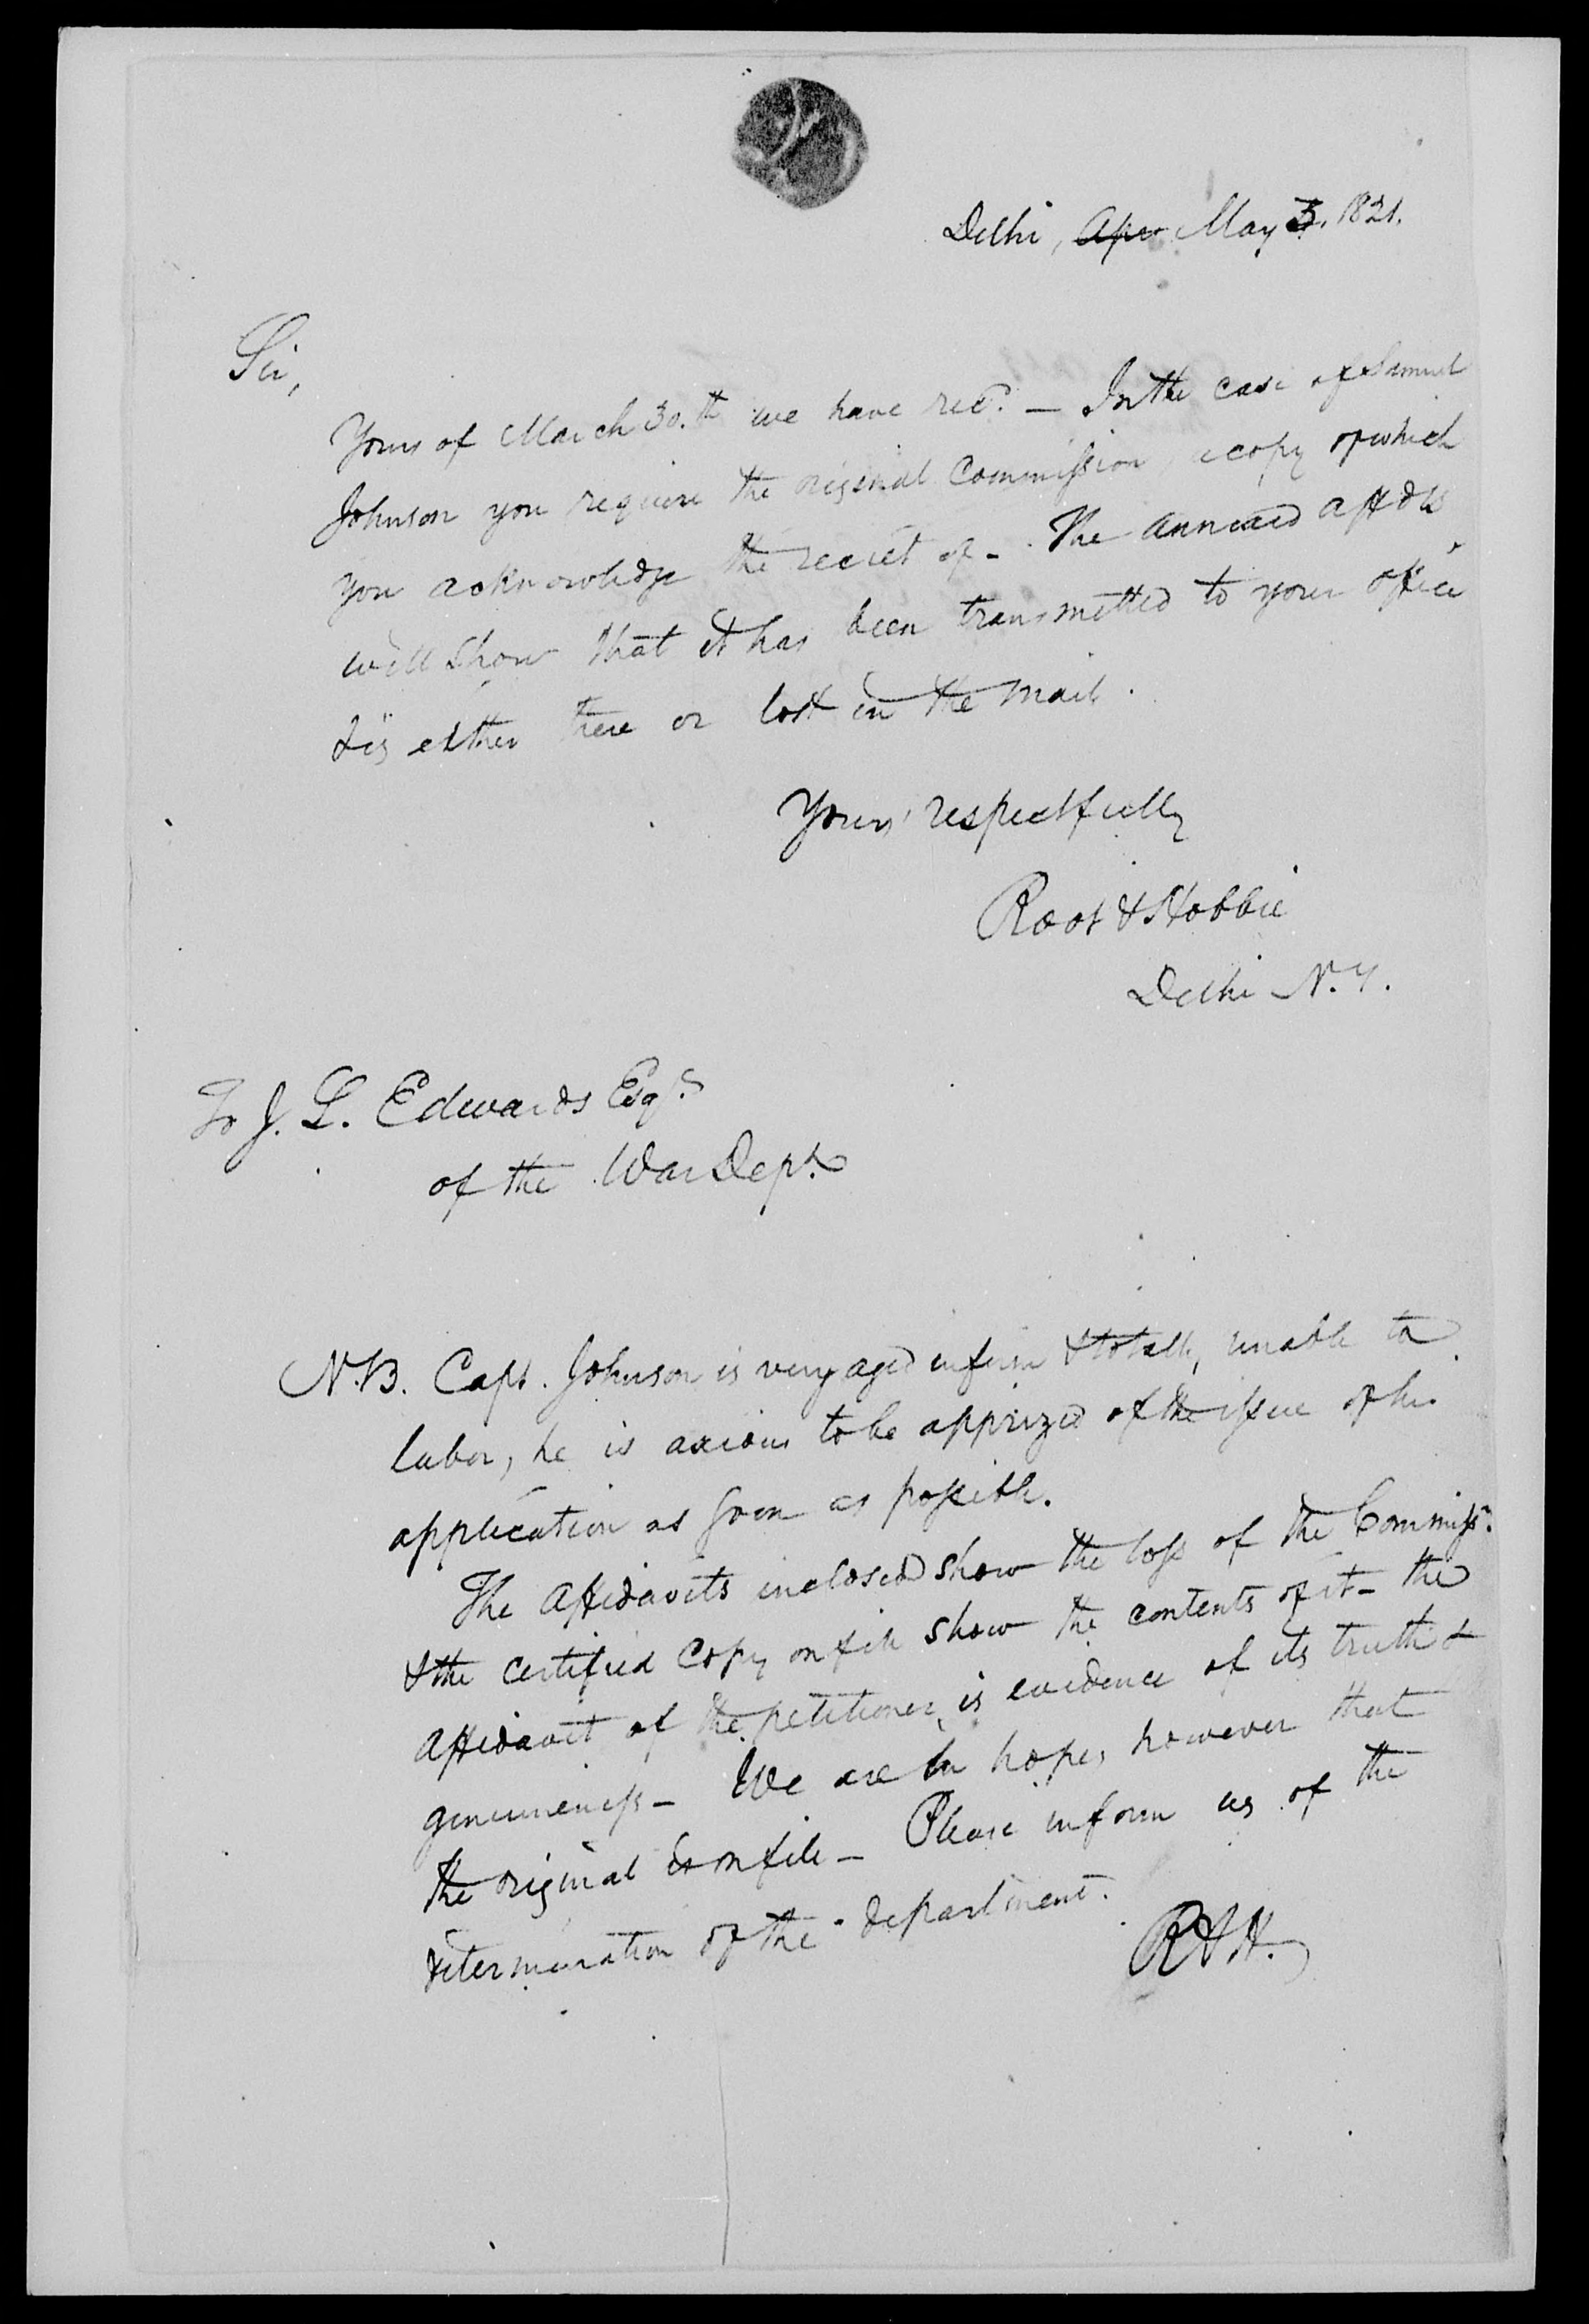Delhi Apr May. 1821. 
Sir
Yours of March 30, we have recd.   In the case of Samuel Johnson you require the original commission a copy of which you acknowledge the receipt of.  The annexed appl will show that it has been transmitted to your office & is either there or lost in the mail.  
Yours respectfully 
Root & Hobbie 
To J.L. Edwards Esqr of the War Dept 
N. B. Dephi N.Y. 
Capt. Johnson is very aged & infirm & totally unable to labor, he is anxious to be apprized of the issue of his application as soon as possible.  
The affidavits inclosed show the loss of the Commission & the certified copy on file show the contents of it.  The affidavit of the petitioner is evidence of its truth & genuineness.   We are in hopes however that the original is on file.   Please inform as of the determination of the department.
R&H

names: Samuel Johnson; [BLANK] Root; [BLANK] Hobbie; J L Edwards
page: 33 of 43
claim: rejected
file: R. 5655, for Samuel Johnson, Connecticut